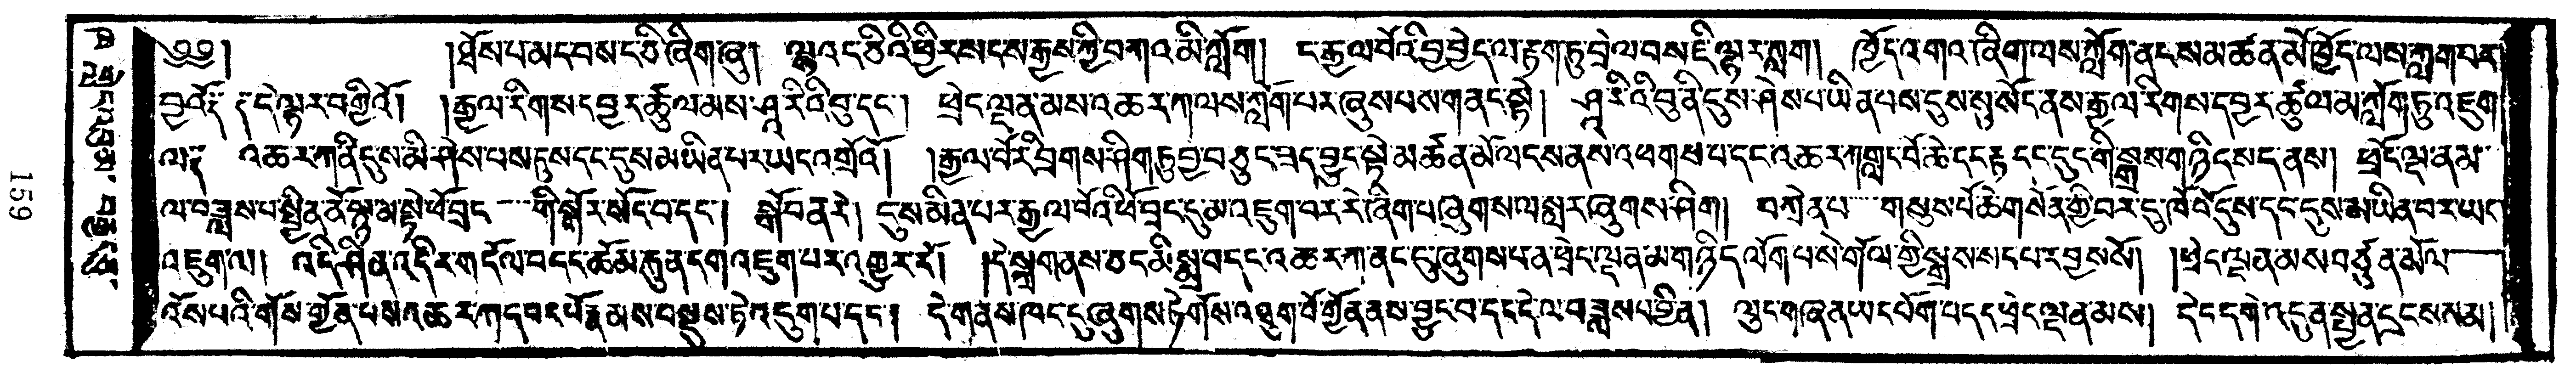༄༅། །ཐོས་པ་མང་བས་ང་ཅི་ཞིག་ཞུ། ལྷའང་ཅིའི་ཕྱིར་སངས་རྒྱས་ཀྱི་བཀའ་མི་ཀློག། ང་རྒྱལ་བོའི་བྱ་བྱེད་ལ་རྟག་ཏུ་བྲེལ་བས་ཇི་ལྟར་ཀླག། ཁྱོད་འགའ་ཞིག་ལས་ཀློག་ནང་ས་མཚན་མོ་ཁྱོད་ལས་ཀླག་བར་
བྱའོ༑ ༑དེ་ལྟར་བགྱིའོ། །རྒྱལ་རིགས་དབྱར་ཚུལ་མས་ཤཱ་རིའི་བུ་དང་། ཕྲེང་ལྡན་མས་འཆར་ཀ་ལས་ཀློག་པར་ཞུས་པས་གནང་སྟེ། ཤཱ་རིའི་བུ་ནི་དུས་ཤེས་པ་ཡིན་པས་དུས་སུ་སོང་ནས་རྒྱལ་རིགས་དབྱར་ཚུལ་མ་ཀློག་ཏུ་འཇུག་
ལ༑ འཆར་ཀ་ནི་དུས་མི་ཤེས་པས་དུས་དང་དུས་མ་ཡིན་པར་ཡང་འགྲོའོ། །རྒྱལ་པོར་བྲིགས་ཤིག་ཏུ་བྱ་བ་ཅུང་ཟད་བྱུང་སྟེ་མཚན་མོ་ལངས་ནས་འཕགས་པ་དང་འཆར་ཀ་གླང་བོ་ཆེ་དང་རྟ་དང་དུང་གི་སྒྲས་གཉིད་སད་ནས། ཕྲོང་ལྔ་ནམ་
ལ་བཟླས་པ་སྤྱིན་ནོ་སྙམ་སྟེ་ཕོ་བྲང་གི་སྒོར་སོང་བ་དང་། སྒོ་བ?་ན་རེ། དུས་མིན་པར་རྒྱལ་བོའི་ཕོ་བྲང་དུ་མ་འཇུག་བར་རེ་ཞིག་བཞུགས་ལ་སླར་ཞུགས་ཤིག། བཀྲེན་པ་གསུས་པོ་ཆེ་གསོན་གྱི་བར་དུ་ཁོ་བོ་དུས་དང་དུས་མ་ཡིན་བར་ཡང་
འཇུག་ལ། འདི་ཤིན་འདིར་གདོལ་བ་དང་ཆོམ་རྐུན་དག་འཇུག་པར་འགྱུར་རོ། །དེ་སྐྲག་ནས་ཅང་མི་སྨྲ་བ་དང་འཆར་ཀ་ནང་དུ་ཞུགས་པ་ན་ཕྲེང་ལྡན་མ་གཉིད་ལོག་པ་སེ་གོལ་གྱི་སྒྲས་སང་པར་བྱས་སོ། །ཕྲེང་ལྡན་མས་བཙུན་མོལ་
འོས་པའི་གོས་གྱོན་པས་འཆར་ཀ་དབང་པོ་རྣམས་བསྡུས་ཏེ་འདུག་པ་དང་། དེ་གནས་ཁང་དུ་ཞུགས་ཏེ་གོས་འཐུག་བོ་གྱོན་ནས་བྱུང་བ་དང་དེ་ལ་བཟླས་པ་བྱིན། ལུང་གཞན་ཡང་པོག་བ་དང་ཕྲེང་ལྡན་མས། དེང་དགེ་འདུན་སྤྱན་དྲངས་སམ།